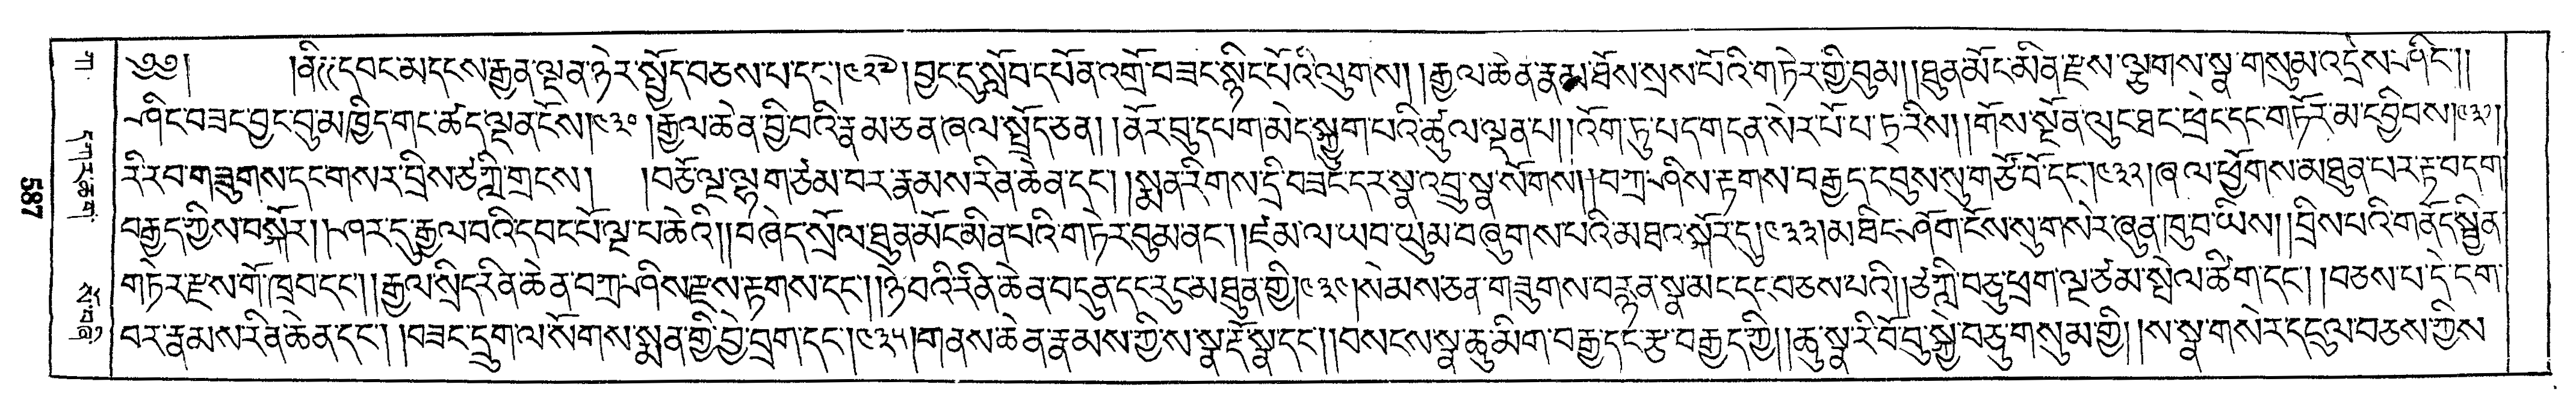༄༅། །ནི༑ ༑དབང་མདངས་རྒྱན་ལྡན་ཉེར་སྤྱོད་བཅས་པ་དང་། ༤༢༧་།བྱང་དུ་སློབ་དཔོན་འགྲོ་བཟང་སྙིང་པོའི་ལུགས། །རྒྱལ་ཆེན་རྣམ་ཐོས་སྲས་པོའི་གཏེར་གྱི་བུམ། །ཐུན་མོང་མིན་རྫས་ལྕགས་སྣ་གསུམ་འདྲེས་ཤིང་། །
ཤིང་བཟང་བྱང་བུམ་ཁྱིད་གང་ཚད་ལྡན་ངོས། ༤༣༠་།རྒྱལ་ཆེན་བྱི་བའི་རྣམ་ཅན་ཞལ་སྤྲོད་ཅན། །ནོར་བུ་དཔག་མེད་སྐྱུག་པའི་ཚུལ་ལྡན་པ། །འོག་ཏུ་པད་གདན་སེར་པོ་པ་ཏྲ་རིས། །གོས་སྔོན་ལུང་ཐང་ཕྲེང་དང་གཏོར་མ་དབྱིབས། ༤༢༡
རི་རབ་གཟུགས་དང་གསེར་བྲིས་ཙ་ཀླི་གྲངས། །བཅོ་ལྔ་ལྷག་ཙམ་པར་རྣམས་རིན་ཆེན་དང་། །སྨན་རིགས་དྲི་བཟང་དར་སྣ་འབྲུ་སྣ་སོགས། །བཀྲ་ཤིས་རྟགས་བརྒྱད་དབུས་སུ་གཙོ་བོ་དང་། ༤༣༢་།ཞལ་ཕྱོགས་མཐུན་པར་རྟ་བདག་
བརྒྱད་ཀྱིས་བསྐོར། །ཤར་དུ་རྒྱལ་བའི་དབང་པོ་ལྔ་པ་ཆེའི། །བཞེད་སྲོལ་ཐུན་མོང་མིན་པའི་གཏེར་བུམ་ནང་། །ཛམ་ལ་ཡབ་ཡུམ་བཞུགས་པའི་མཐའ་སྐོར་དུ། ༤༣༣་།མཐིང་ཤོག་ངོས་སུ་གསེར་ཞུན་ཁུ་བ་ཡིས། །བྲིས་པའི་གནོད་སྦྱིན་
གཏེར་རྫས་གོ་ཁྲབ་དང་། །རྒྱལ་སྲིད་རིན་ཆེན་བཀྲ་ཤིས་རྫས་རྟགས་དང་། །ཉེ་བའི་རིན་ཆེན་བདུན་དང་རུང་མཐུན་གྱི། ༤༣༤་།སེམས་ཅན་གཟུགས་བརྙན་སྣ་མང་དང་བཅས་པའི། །ཙ་ཀླི་བཅུ་ཕྲག་ལྔ་ཙམ་སྦེལ་ཚིག་དང་། །བཅས་པ་དེ་དག་
བར་རྣམས་རིན་ཆེན་དང་། །བཟང་དྲུག་ལ་སོགས་སྨན་གྱི་བྱེ་བྲག་དང་། ༤༣༥་།གནས་ཆེན་རྣམས་ཀྱིས་སྣ་རྡོ་སྣ་དང་། །བསངས་སྣ་ཆུ་མིག་བརྒྱ་དང་རྩ་བརྒྱད་ཀྱི། །ཆུ་སྣ་རི་བོ་བུ་སྐྱེ་བཅུ་གསུམ་གྱི། །ས་སྣ་གསེར་དངུལ་བཅས་ཀྱིས་